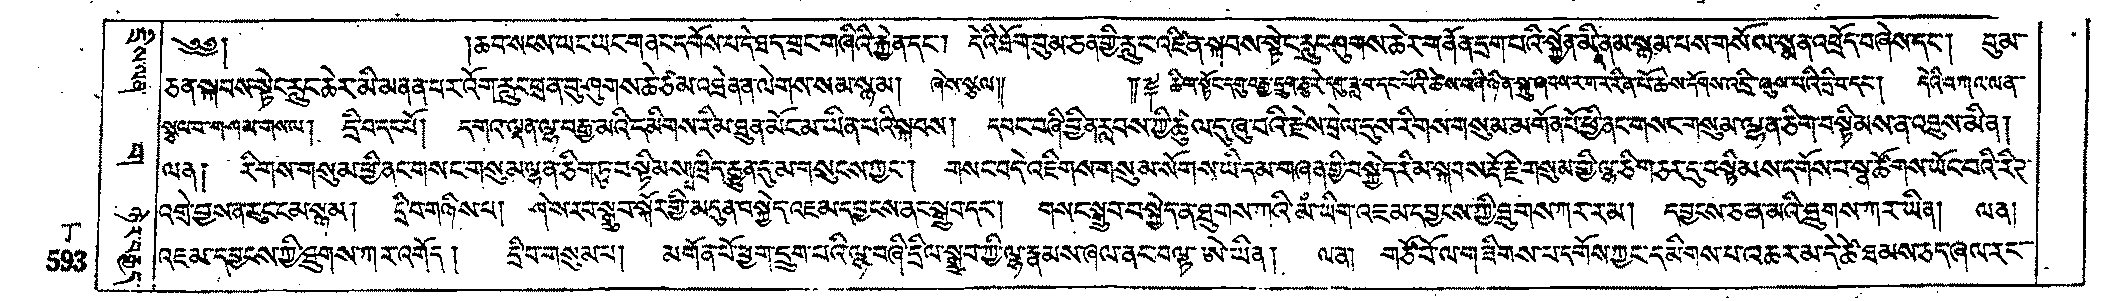༄༅། །ཆབ་སངས་ཡང་ཡང་གནང་དགོས་པ་དེ་ཐད་གྲང་གཞིའི་རྐྱེན་དང་། དེའི་ཐོག་བུམ་ཅན་གྱི་རླུང་འཛིན་སྐབས་སྟེང་རླུང་ཤུགས་ཆེར་གནོན་དྲག་པའི་སྐྱོན་མིན་ནམ་སྙམ་པས་གསོལ་སྨན་འཕྲོད་བཞེས་དང་། བུམ་་་
ཅན་སྐབས་སྟེང་རླུང་ཆེར་མི་མནན་པར་འོག་རླུང་ཕྲན་བུ་ཤུགས་ཆེ་ཙམ་འཐེན་ན་ལེགས་སམ་སྙམ། ཞེས་སྩལ།། །།འ་ཆིག་སྟོང་དགུ་བརྒྱ་དྲུག་ཅུ་རེ་དགུ་ཟླ་བ་དང་པོའི་ཚེས་བཞི་ཉིན་སྐུ་ཞབས་རག་ར་རིན་པོ་ཆེས་དོགས་འདྲི་ཞུས་པའི་དྲི་བ་དང་། དེའི་བཀའ་ལན་་་
སྩལ་བ་གཤམ་གསལ། དྲི་བ་དང་པོ། དགའ་ལྡན་ལྷ་བརྒྱ་མའི་དམིགས་རིམ་ཐུན་མོང་མ་ཡིན་པའི་སྐབས། དབང་བཞི་བྱིན་རླབས་ཀྱི་ཚུལ་དུ་ཞུ་བའི་རྗེས་བྲེལ་དུས་རིགས་གསུམ་མགོན་པོ་ཕྱི་ནང་གསང་གསུམ་ལྷན་ཅིག་བསྟིམས་ན་འཐུས་མིན།
ལན། རིགས་གསུམ་ཕྱི་ནང་གསང་གསུམ་ལྷན་ཅིག་ཏུ་བསྟིམས་པ་ཁྲིད་རྒྱུན་དུ་མ་གསུངས་ཀྱང་། གསང་བདེ་འཇིགས་གསུམ་སོགས་ཡི་དམ་གཞན་གྱི་བསྐྱེད་རིམ་སྐབས་རྡོ་རྗེ་གསུམ་གྱི་ལྷ་ཅིག་ཅར་དུ་བསྟིམས་དགོས་པ་སྣ་ཚོགས་ཡོང་བའི་རིཌ་
འགྲེ་བྱས་ན་རུང་ངམ་སྙམ། དྲི་བ་གཉིས་པ། ཤེས་རབ་སྒྲུབ་སྐོར་གྱི་མདུན་བསྐྱེད་འཇམ་དབྱངས་ནང་སྒྲུབ་དང་། གསང་སྒྲུབ་བསྐྱེད་ན་ཐུགས་ཀའི་མཾ་ཡིག་འཇམ་དབྱངས་ཀྱི་ཐུགས་ཀར་རམ། དབྱངས་ཅན་མའི་ཐུགས་ཀར་ཡིན། ལན། འཇམ་དབྱངས་ཀྱི་ཐུགས་དཀར་འགོད། དྲི་བ་གསུམ་པ། མགོན་པོ་ཕྱག་དྲུག་པའི་ལྷ་བཞི་དྲིལ་སྒྲུབ་ཀྱི་ལྷ་རྣམས་ཞལ་ནང་བལྟ་ཨེ་ཡིན། ལན། གཙོ་བོ་ལ་གཟིགས་པ་དགོས་ཀྱང་དམིགས་པ་འཆར་མ་དེ་ཚེ་ཐམས་ཅད་ཞལ་རང་་་